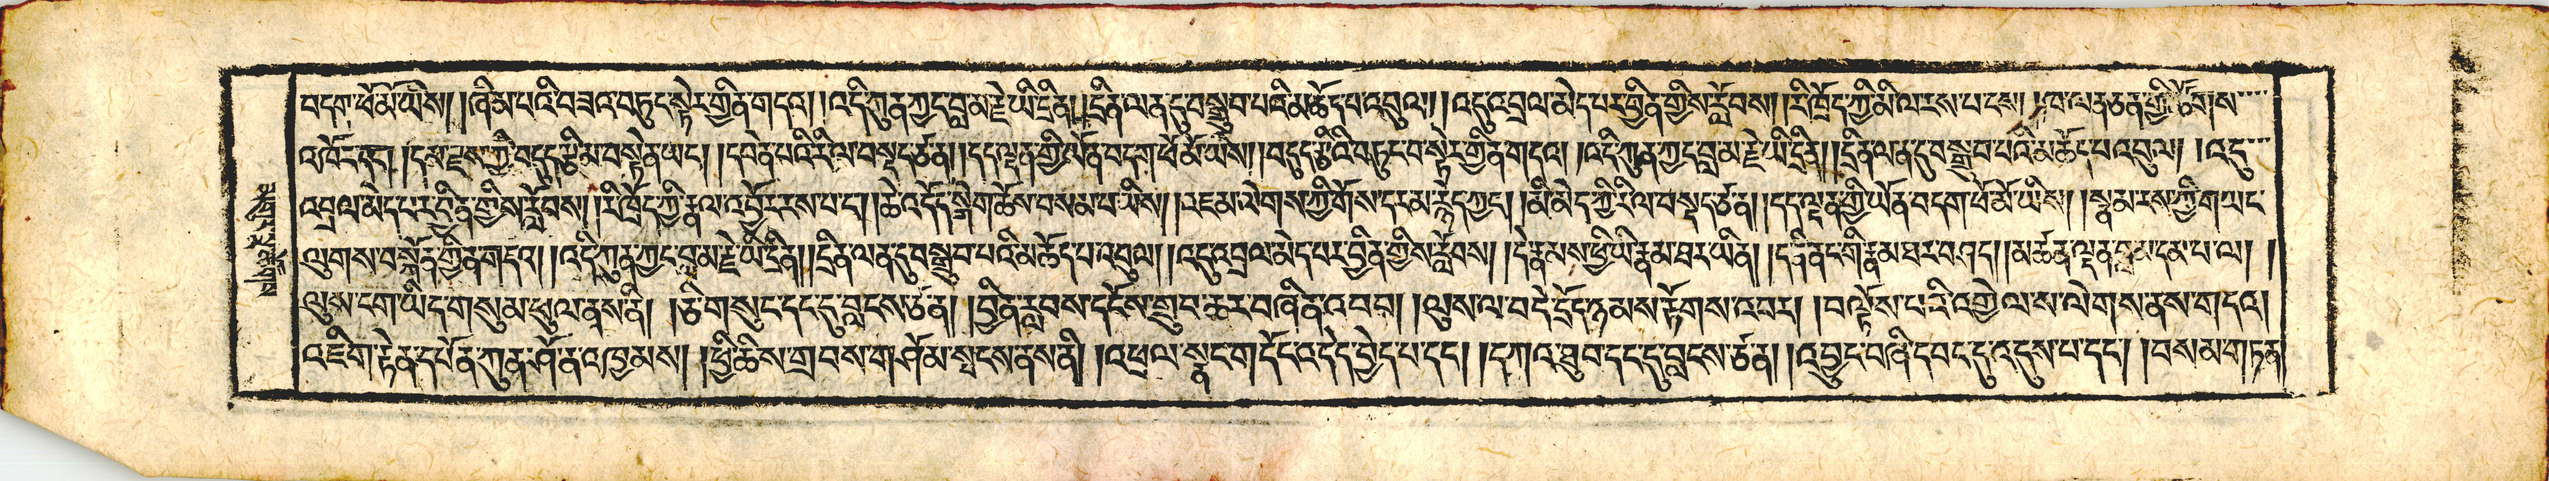བདག་ཕོ་མོ་ཡིས། །ཞིམ་པའི་བཟའ་བཏུང་སྟེར་གྱིན་གདའ། །འདི་ཀུན་ཀྱང་བླ་མ་རྗེ་ཡི་དྲིན། །དྲིན་ལན་དུ་བསྒྲུབ་པའི་མཆོད་པ་འབུལ། །འདུ་འབྲལ་མེད་པར་བྱིན་གྱིས་རློབས། །རི་ཁྲོད་ཀྱི་མི་ལ་རས་པ་ངས། །ཁ་ལན་ཅན་གྱི་ཚོགས་
འཁོར་དང་། །དམ་རྫས་ཀྱི་བདུད་རྩི་མ་བསྟེན་ཡང་། །དབེན་པའི་རི་ལ་བསྡད་ཙ་ན།།དད་ལྡན་གྱི་ཡོན་བདག་ཕོ་མོ་ཡིས།།བདུད་རྩིའི་བཏུང་བ་སྟེར་གྱིན་གདའ། །འདི་ཀུན་ཀྱང་བླ་མ་རྫེ་ཡི་དྲིན། །དྲིན་ལན་དུ་བསྒྲུབ་པའི་མཆོད་པ་འབུལ། འདུ་
འབྲལ་མེད་པར་བྱིན་གྱིས་རློབས། །རི་ཁྲོད་ཀྱི་རྣལ་འབྱོར་རས་པ་ང་། །ཆེ་འདོད་སྒེག་ཆོས་བསམ་པ་ཡིས། །འཇམ་ལེགས་ཀྱི་གོས་དར་མ་རྙེད་ཀྱང་། །མི་མེད་ཀྱི་རི་ལ་བསྡད་ཙ་ན། །དད་ལྡན་གྱི་ཡོན་བདག་ཕོ་མོ་ཡིས། །སྣམ་རས་ཀྱི་གཡང་
ལུགས་བསྐྱོར་གྱིན་གདའ། །འདི་ཀུན་ཀྱང་བླ་མ་རྗེ་ཡི་དྲིན། །དྲིན་ལན་དུ་བསྒྲུབ་པའི་མཆོད་པ་འབུལ། །འདུ་འབྲལ་མེད་པར་བྱིན་གྱིས་རློབས། །དེ་རྣམས་ཕྱི་ཡི་རྣམ་ཐར་ཡིན། །ད་ནི་ནང་གི་རྣམ་ཐར་བཤད། །མཚན་ལྡན་བླ་མ་དམ་པ་ལ། 
ལུས་ངག་ཡིད་གསུམ་ཕུལ་ནས་ནི། །ཅི་གསུང་དང་དུ་བླངས་ཙ་ན། །བྱིན་རླབས་དངོས་གྲུབ་ཆར་བཞིན་འབེབ། །ལུས་ལ་བདེ་དྲོད་ཉམས་རྟོགས་འབར། །བལྟོས་པའི་འགྱེལ་ས་ལེགས་ནས་གདའ། །
འཇིག་རྟེན་དཔོན་ཀུན་ཤོ་ན་འཁྱམས། །ཕྱི་ཆིས་གྲབས་གཤོམ་སྤངས་ནས་ནི། །འཕྲལ་སྣང་གདོང་འདེད་བྱེད་པ་དང་། །དཀའ་ཐུབ་དང་དུ་བླངས་ཙ་ན། །འབྱུང་བཞི་དབང་དུ་འདུས་པ་དང་། །བསམ་གཏན